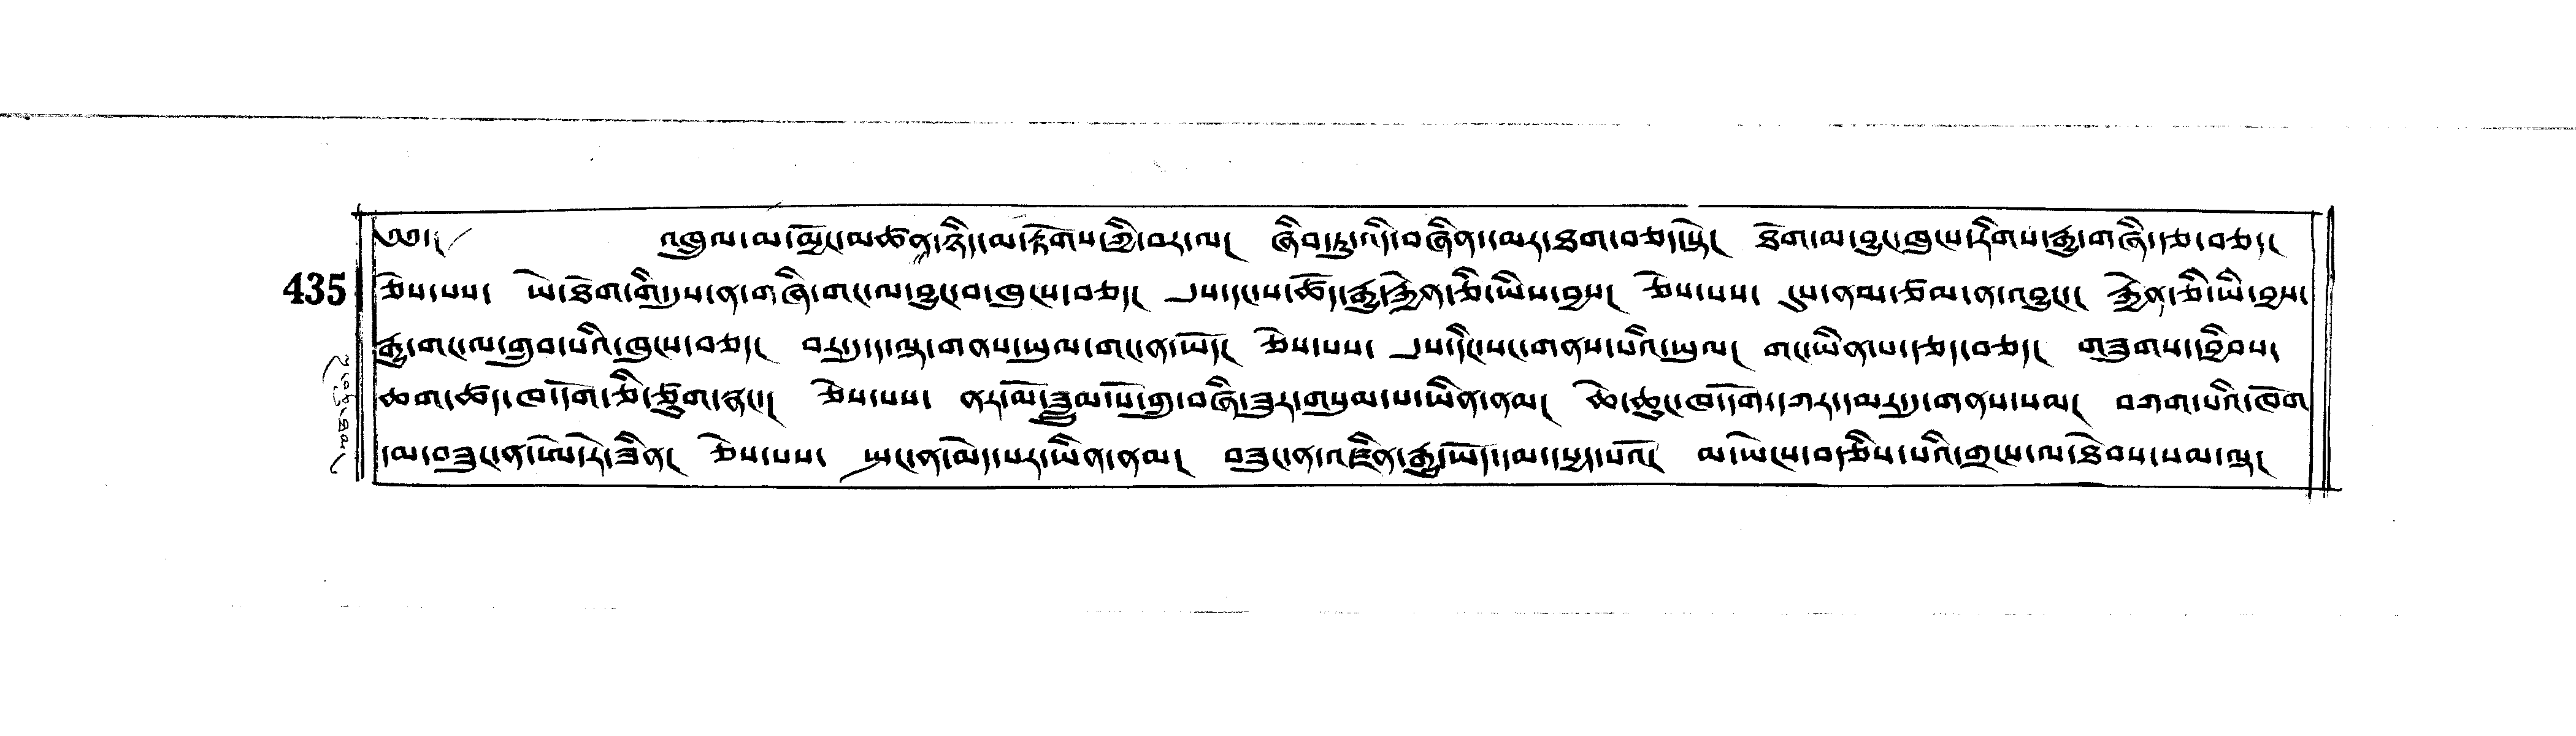འཁྲུལ་མ་མྱོང་མཚན་ཉིད་མ་རྟོགས་ཀྱི་བར་ལ། ཞིབ་ཏུ་འདི་བཞིན་དམར་ཐག་བཅད་དེ། ཐོག་མ་བྱུང་ཁུངས་རིག་རྒྱུ་གཞི་རྩ་བཅད། 
ཅེས་པས། ཡེ་ཐོག་གི་དུས་ན་གཞི་གང་ལས་བྱུང་བ་ཁུངས་བཅད། དུས་དང་ས་ཚོད་རྒྱུ་རྐྱེན་ཅི་ཡིས་བྱས། ཅེས་པས། དུས་ནམ་ཙམ་ན་འབྱུང་། རྐྱེན་ཅི་ཡིས་བྱས། 
རྒྱུ་གང་ལ་གྲུབ་པའི་ཁུངས་བཅད། བར་དུ་ད་ལྟ་གནས་ཡུལ་གང་ན་ཡོད། ཅེས་པས། དུས་དེང་སང་གནས་པའི་ཡུལ། གང་ཡིན་པ་རྩད་བཅད། གཟུགས་དབྱིབས་
ཆག་ཚད་ཁ་དོག་ཅི་ཚུག་སྣང་། ཅེས་པས། ནར་མོ་ཟླུམ་པོ་གྲུ་བཞི་ཟུར་གསུམ་པ་ཡིན་ནམ། ཆེ་ཆུང་ཁ་དོག་དཀར་དམར་དུ་གནས་སམ། བཀག་པས་ཁོག་
གམ་བཟུང་ན་ཨེ་རེ་ཟིན། ཅེས་པས། སྤང་ན་མེད་པར་ཡིན་ནམ། བཟུང་ན་འཛིན་རྒྱུ་ཡོད་དམ་དཔྱད་པའོ། མ་ཡེངས་རྩིས་པའི་གྲངས་ལ་ཐེབས་སམ་ལྟ།